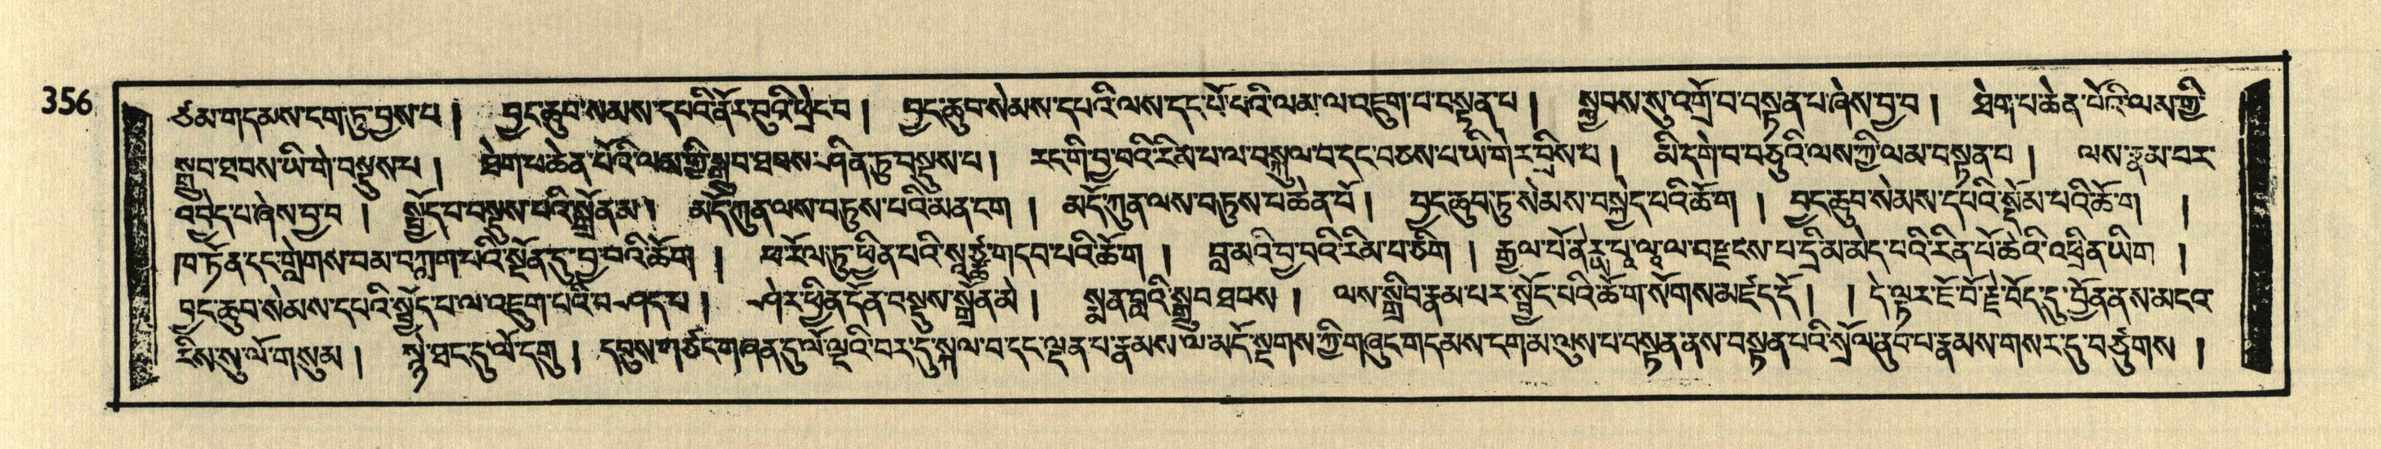ཙམ་གདམས་ངག་ཏུ་བྱས་པ། བྱང་ཆུབ་སེམས་དཔའི་ནོར་བུའི་ཕྲེང་བ། བྱང་ཆུབ་སེམས་དཔའི་ལས་དང་པོ་པའི་ལམ་ལ་འཇུག་པ་བསྟན་པ། སྐྱབས་སུ་འགྲོ་བ་བསྟན་པ་ཞེས་བྱ་བ། ཐེག་པ་ཆེན་པོའི་ལམ་གྱི་
སྒྲུབ་ཐབས་ཡི་གེ་བསྡུས་པ། ཐེག་པ་ཆེན་པོའི་ལམ་གྱི་སྒྲུབ་ཐབས་ཤིན་ཏུ་བསྡུས་པ། རང་གི་བྱ་བའི་རིམ་པ་ལ་བསྐུལ་བ་དང་བཅས་པ་ཡི་གེར་བྲིས་པ། མི་དགེ་བ་བཅུའི་ལས་ཀྱི་ལམ་བསྟན་པ། ལས་རྣམ་བར་
འབྱེད་པ་ཞེས་བྱ་བ། སྤྱོད་པ་བསྡུས་པའི་སྒྲོན་མ། མདོ་ཀུན་ལས་བཏུས་པའི་མན་ངག། མདོ་ཀུན་ལས་བཏུས་པ་ཆེན་པོ། བྱང་ཆུབ་ཏུ་སེམས་བསྐྱེད་པའི་ཆོ་ག། བྱང་ཆུབ་སེམས་དཔའི་སྡོམ་པའི་ཆོ་ག །
ཁ་ཏོན་དང་གླེགས་བམ་བཀླག་པའི་སྔོན་དུ་བྱ་བའི་ཆོག། ཕ་རོལ་ཏུ་ཕྱིན་པའི་སཱཙྪ་གདབ་པའི་ཆོ་ག། བླ་མའི་བྱ་བའི་རིམ་པ་ཅིག། རྒྱལ་པོ་ནེརྱ་པཱ་ལཱ་ལ་བརྫངས་པ་དྲི་མ་མེད་པའི་རིན་པོ་ཆེའི་འཕྲིན་ཡིག །
བྱང་ཆུབ་སེམས་དཔའི་སྤྱོད་པ་ལ་འཇུག་པའི་བཤད་པ། ཤེར་ཕྱིན་དོན་བསྡུས་སྒྲོན་མེ། སྨན་བླའི་སྒྲུབ་ཐབས། ལས་སྒྲིབ་རྣམ་པར་སྦྱོང་པའི་ཆོ་ག་སོགས་མཛད་དོ། །དེ་ལྟར་ཇོ་བོ་རྗེ་བོད་དུ་བྱོན་ནས་མངའ་
རིས་སུ་ལོ་གསུམ། སྙེ་ཐང་དུ་ལོ་དགུ། དབུས་གཙང་གཞན་དུ་ལོ་ལྔའི་བར་དུ་སྐལ་བ་དང་ལྡན་པ་རྣམས་ལ་མདོ་སྔགས་ཀྱི་གཞུང་གདམས་ངག་མ་ལུས་པ་བསྟན་ནས་བསྟན་པའི་སྲོལ་ནུབ་པ་རྣམས་གསར་དུ་བཙུགས་།